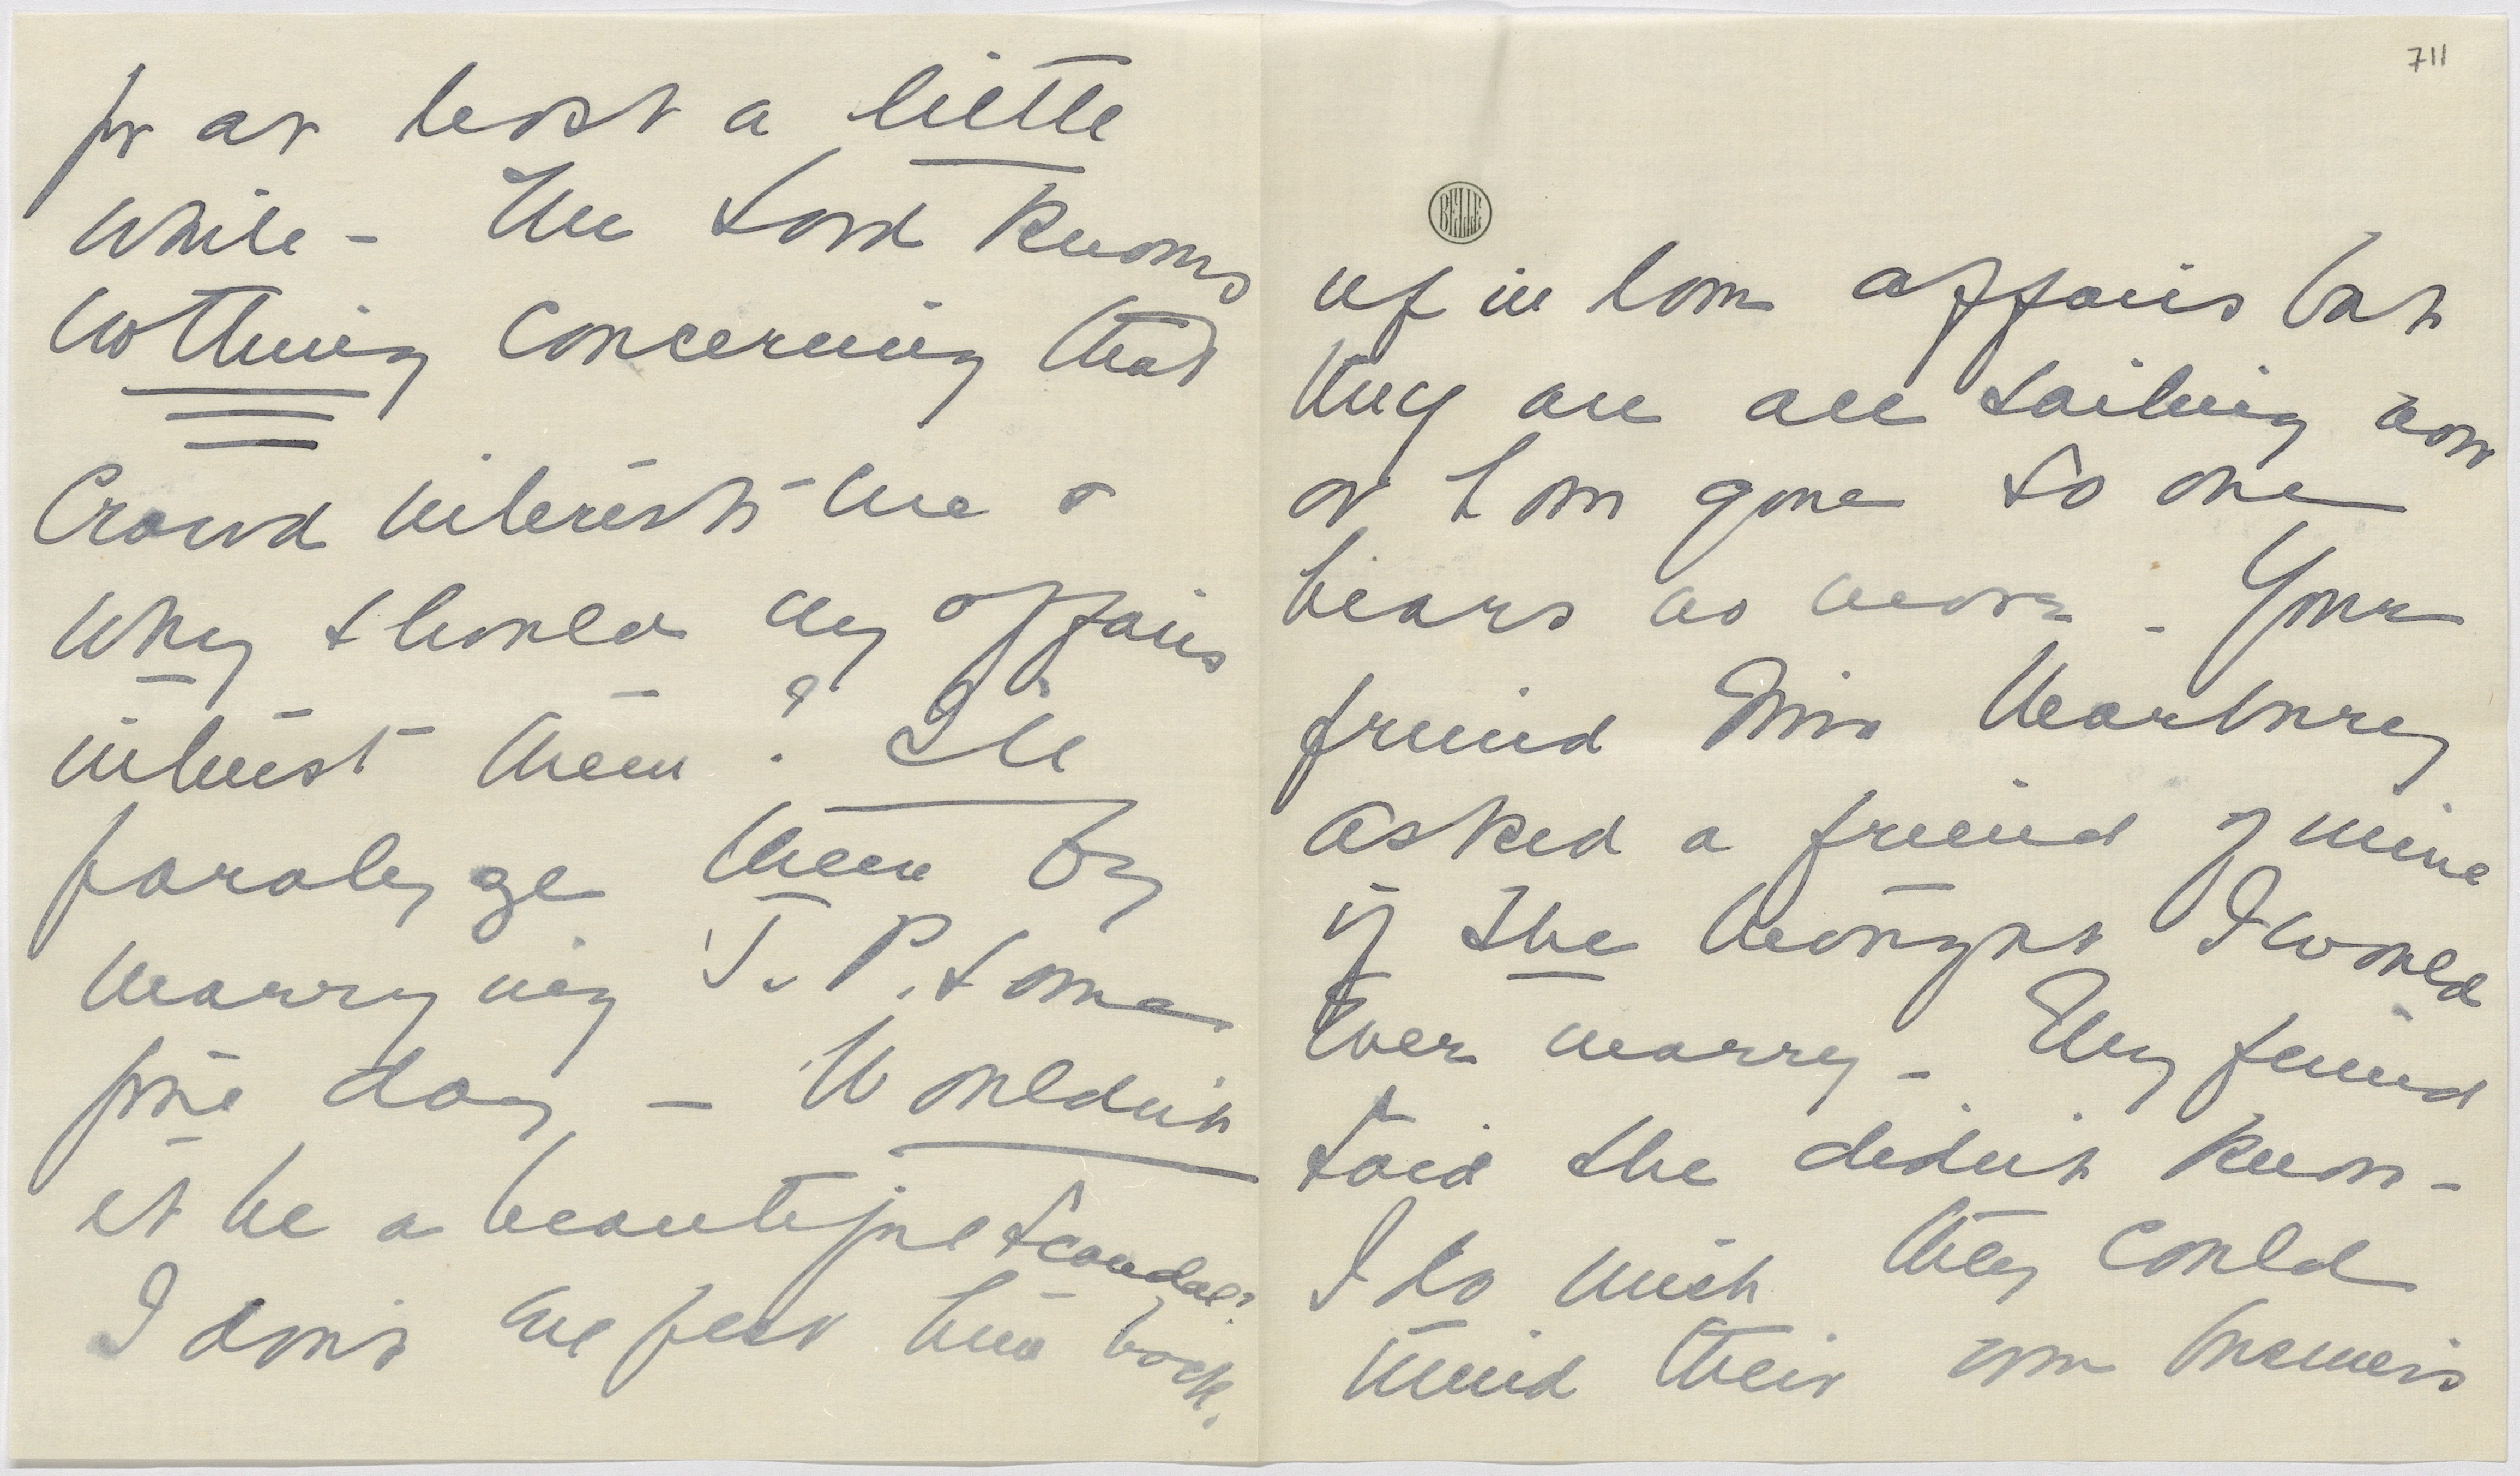up in love affairs but they are all sailing now or I am gone so one hears no more. Your friend Miss Marbury asked a friend of mine if she thought I would ever marry – My friend said she didn’t know – I do wish they could mind their own business
for at least a little while – The Lord knows [triple underlined: nothing] concerning that crowd interests me & why should my affairs interest them? I’ll paralyze them by marrying J. P. some fine day – Wouldn’t it be a beautiful scandal? I don’t expect him back,